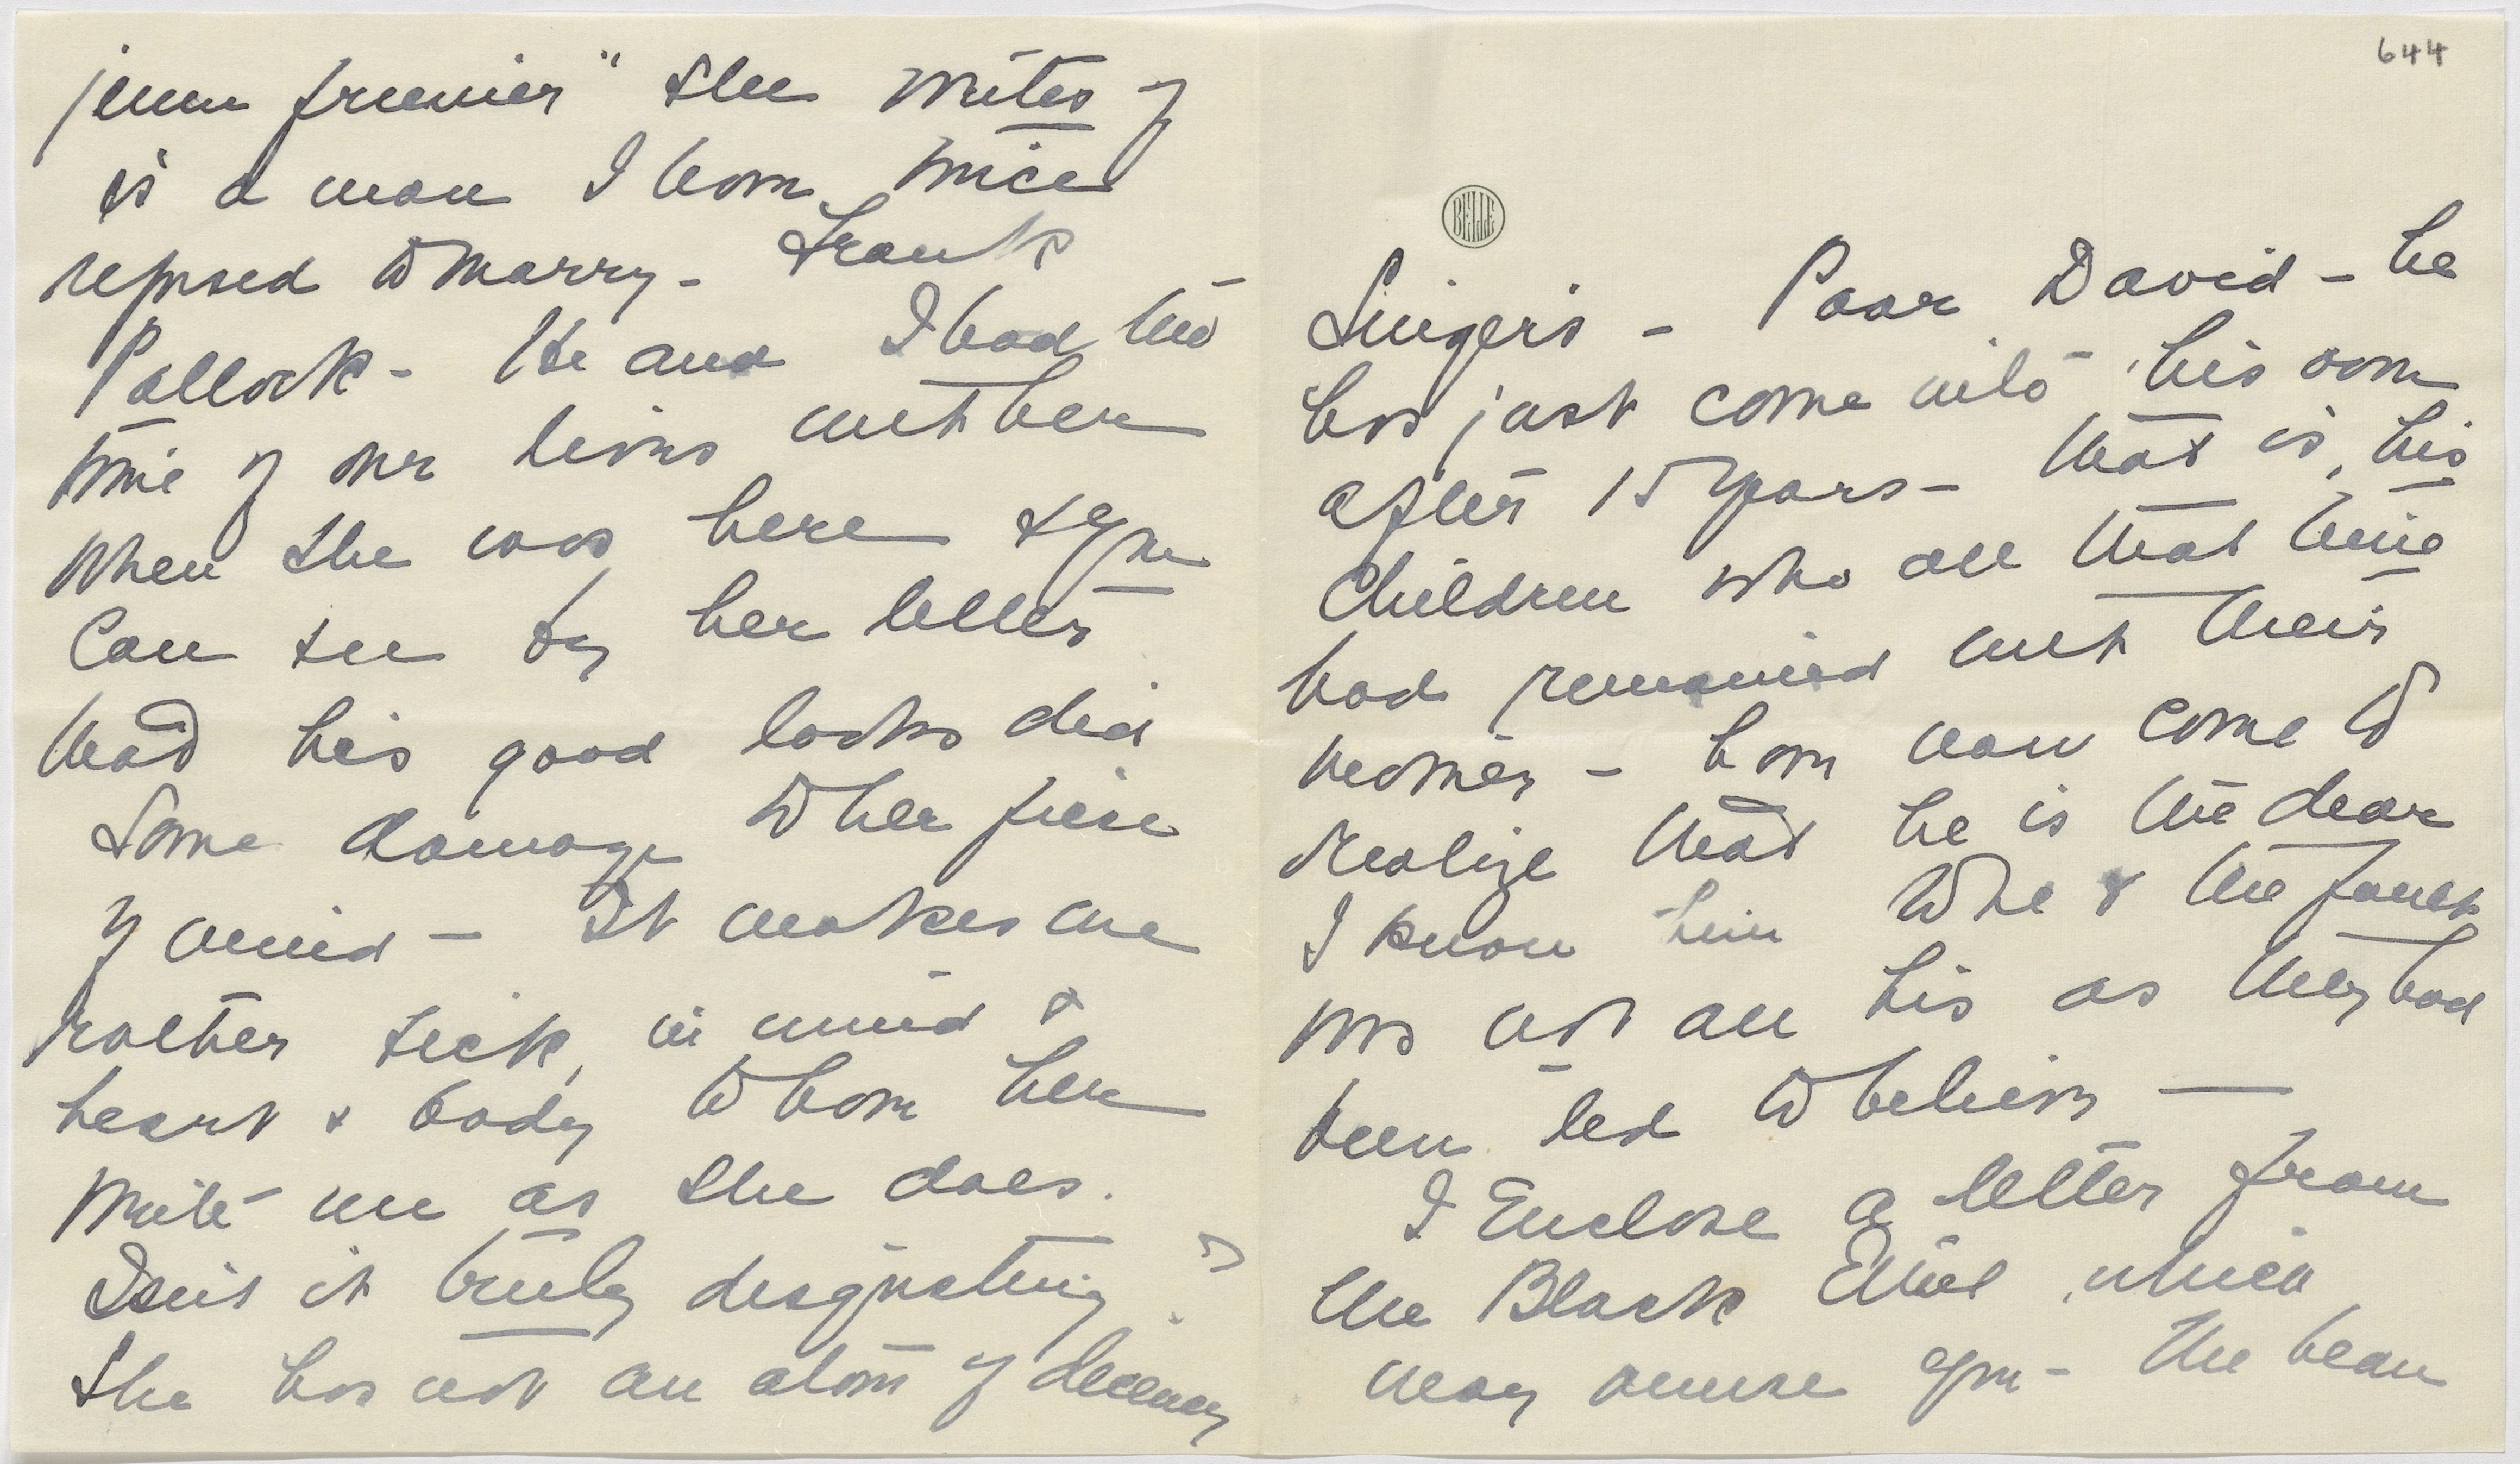Singer’s – Poor David – he has just come into his own after 15 years – that is, his children who all that time had remained with their mother – have now come to realize that he is the dear I know him to be & the fault was not all his as they had been led to believe –
I Enclose a letter from the Black Ethel, which may amuse you – The beau
jeune premier” she writes of is a man I have twice refused to marry – Frank Pollock – He and I had the time of our lives with her when she was here & you can see by her letter that his good looks did some damage to her piece [sic] of mind – It makes me rather sick, in mind & heart & body to have her write me as she does.
Isn’t it truly disgusting? She has not an atom of decency